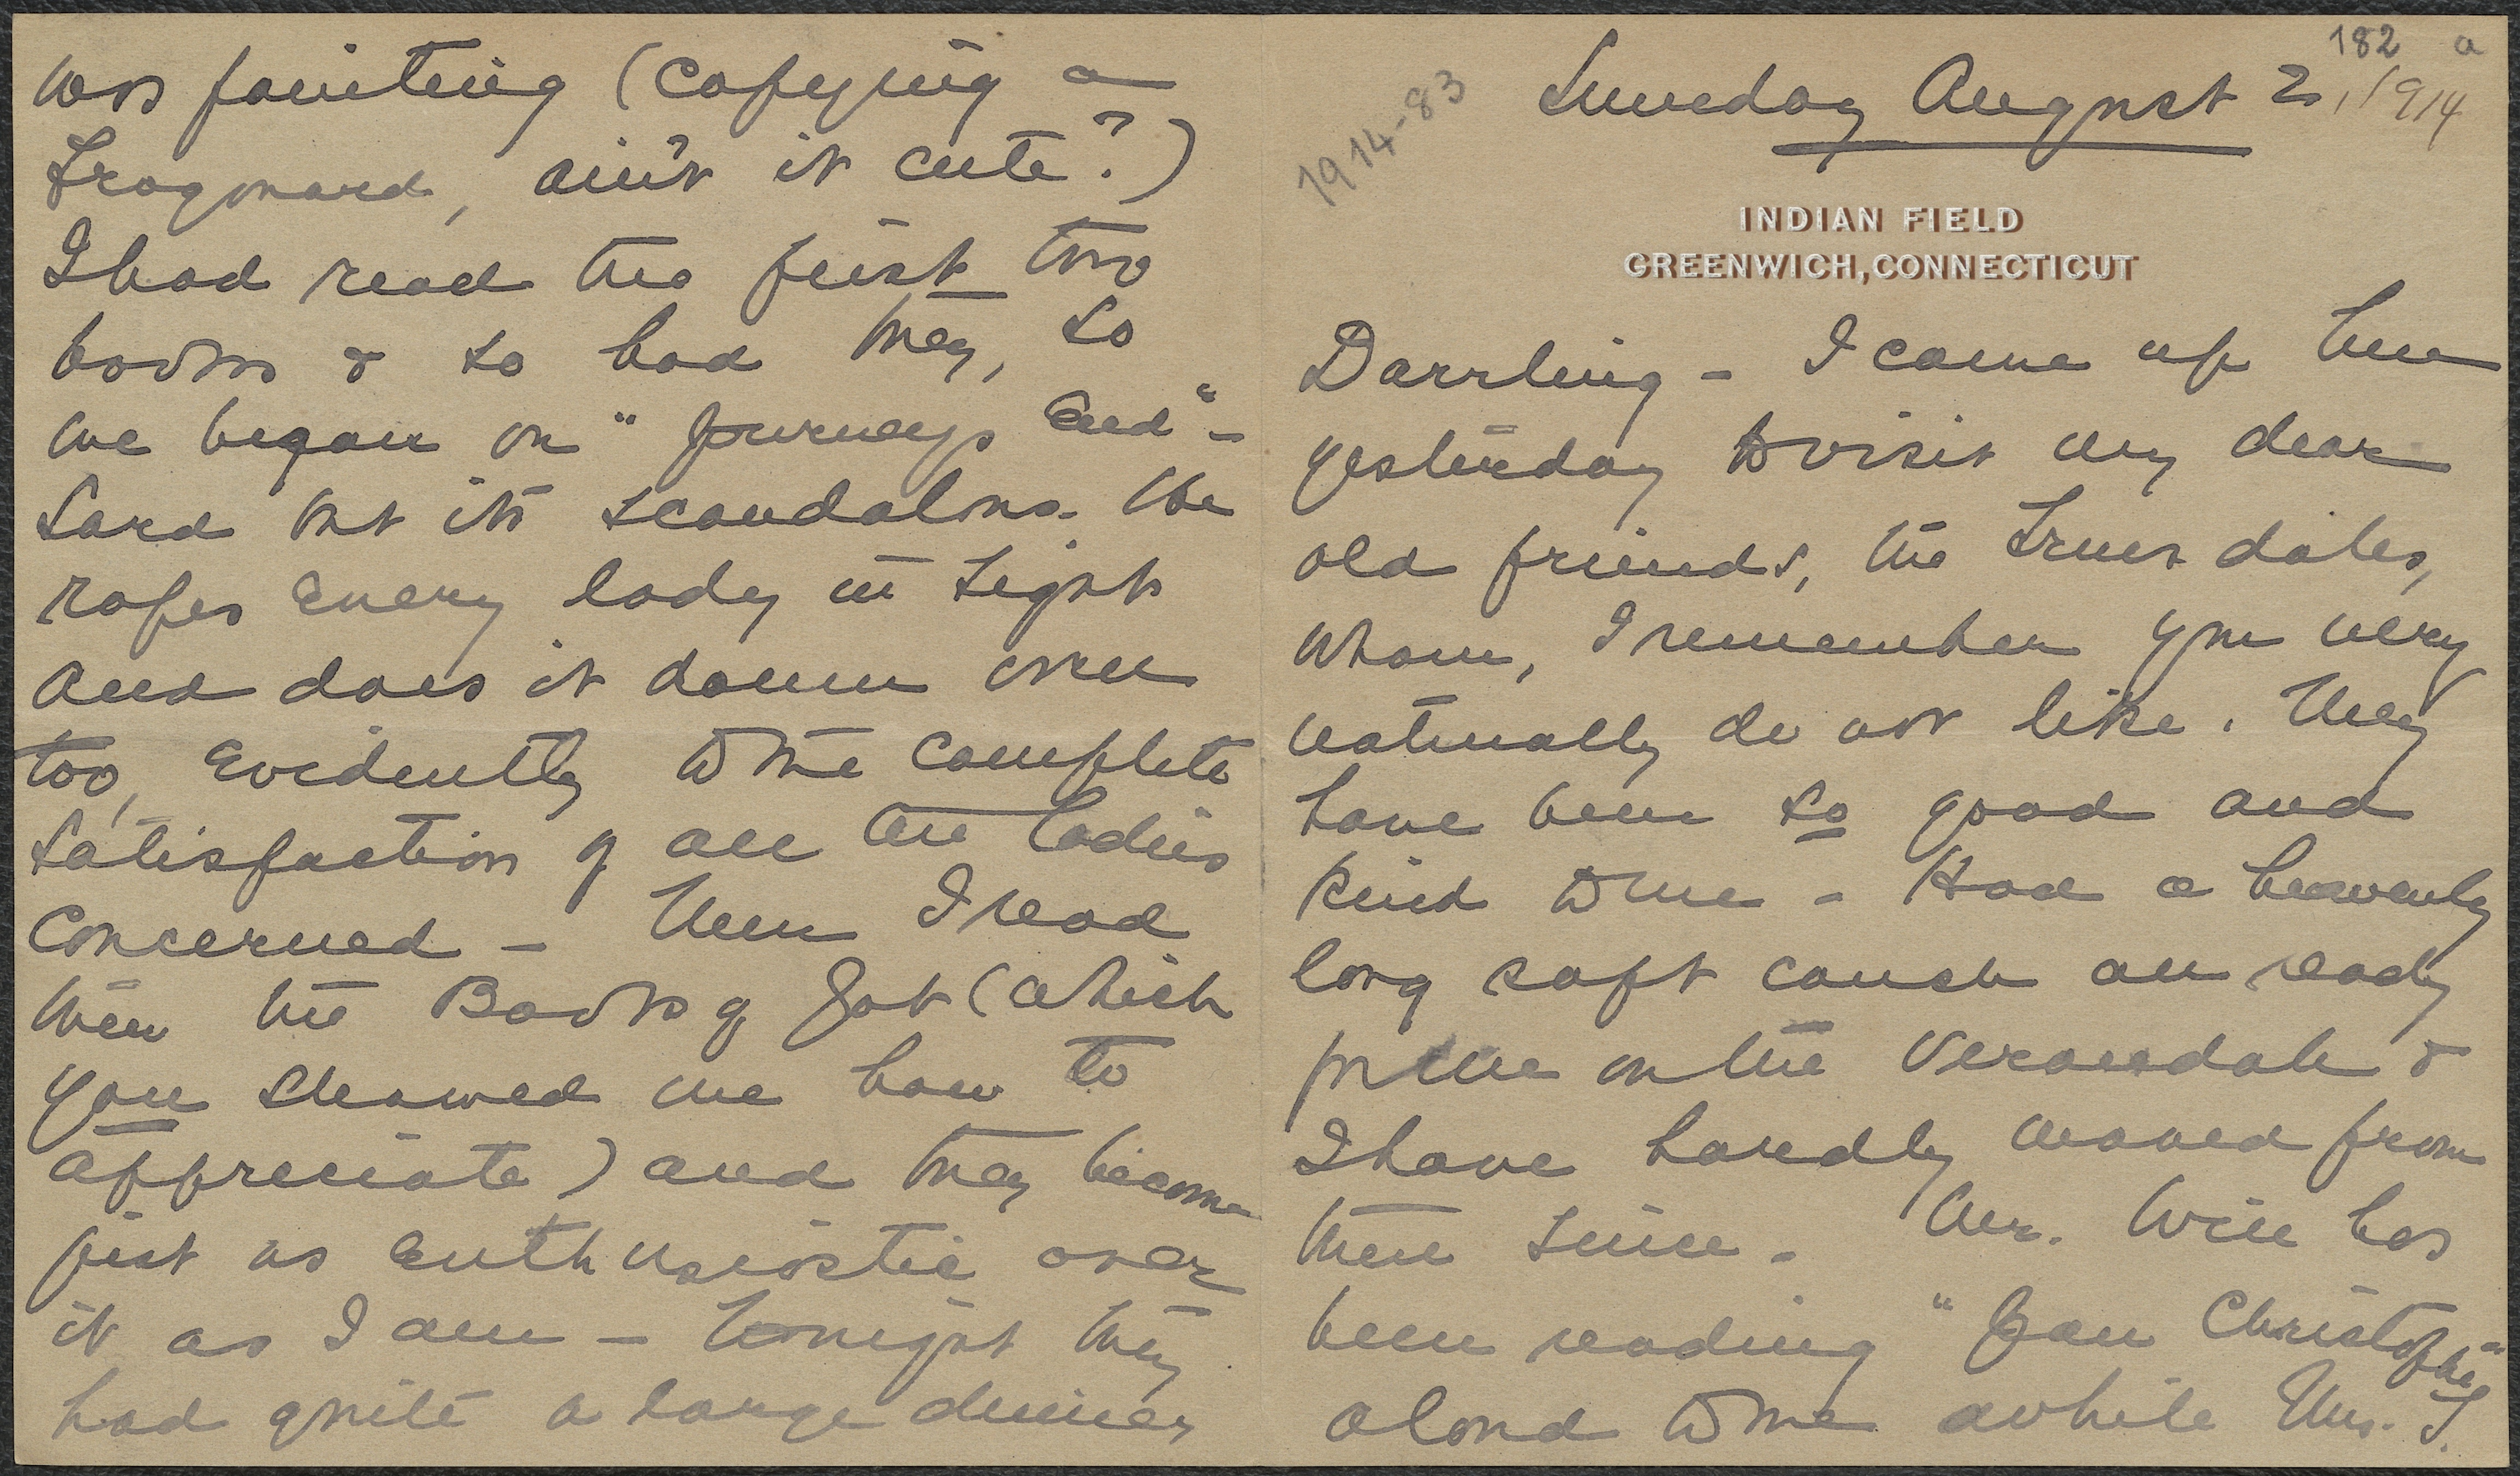Sunday August 2
Darrling – I came up here yesterday to visit my dear old friends, the Truesdales, whom, I remember you very naturally do not like. They have been so good and kind to me – Had a heavenly long soft couch all ready for me on the verandah & I have hardly moved from there since – Mr. Will has been reading “Jan Cristophe” aloud to me while Mrs. T.
was painting (copying a Fragonard, ain’t it cute?) I had read the first two books & so had they, so we began on “Journey’s End” – Lord but it’s scandalous. He ropes every lady in sight and does it down once too, evidently to the complete satisfaction of all the ladies concerned – Then I read them the Books of Job (which you showed me how to appreciate) and they became just as enthusiastic over it as I am – tonight they had quite a large dinner